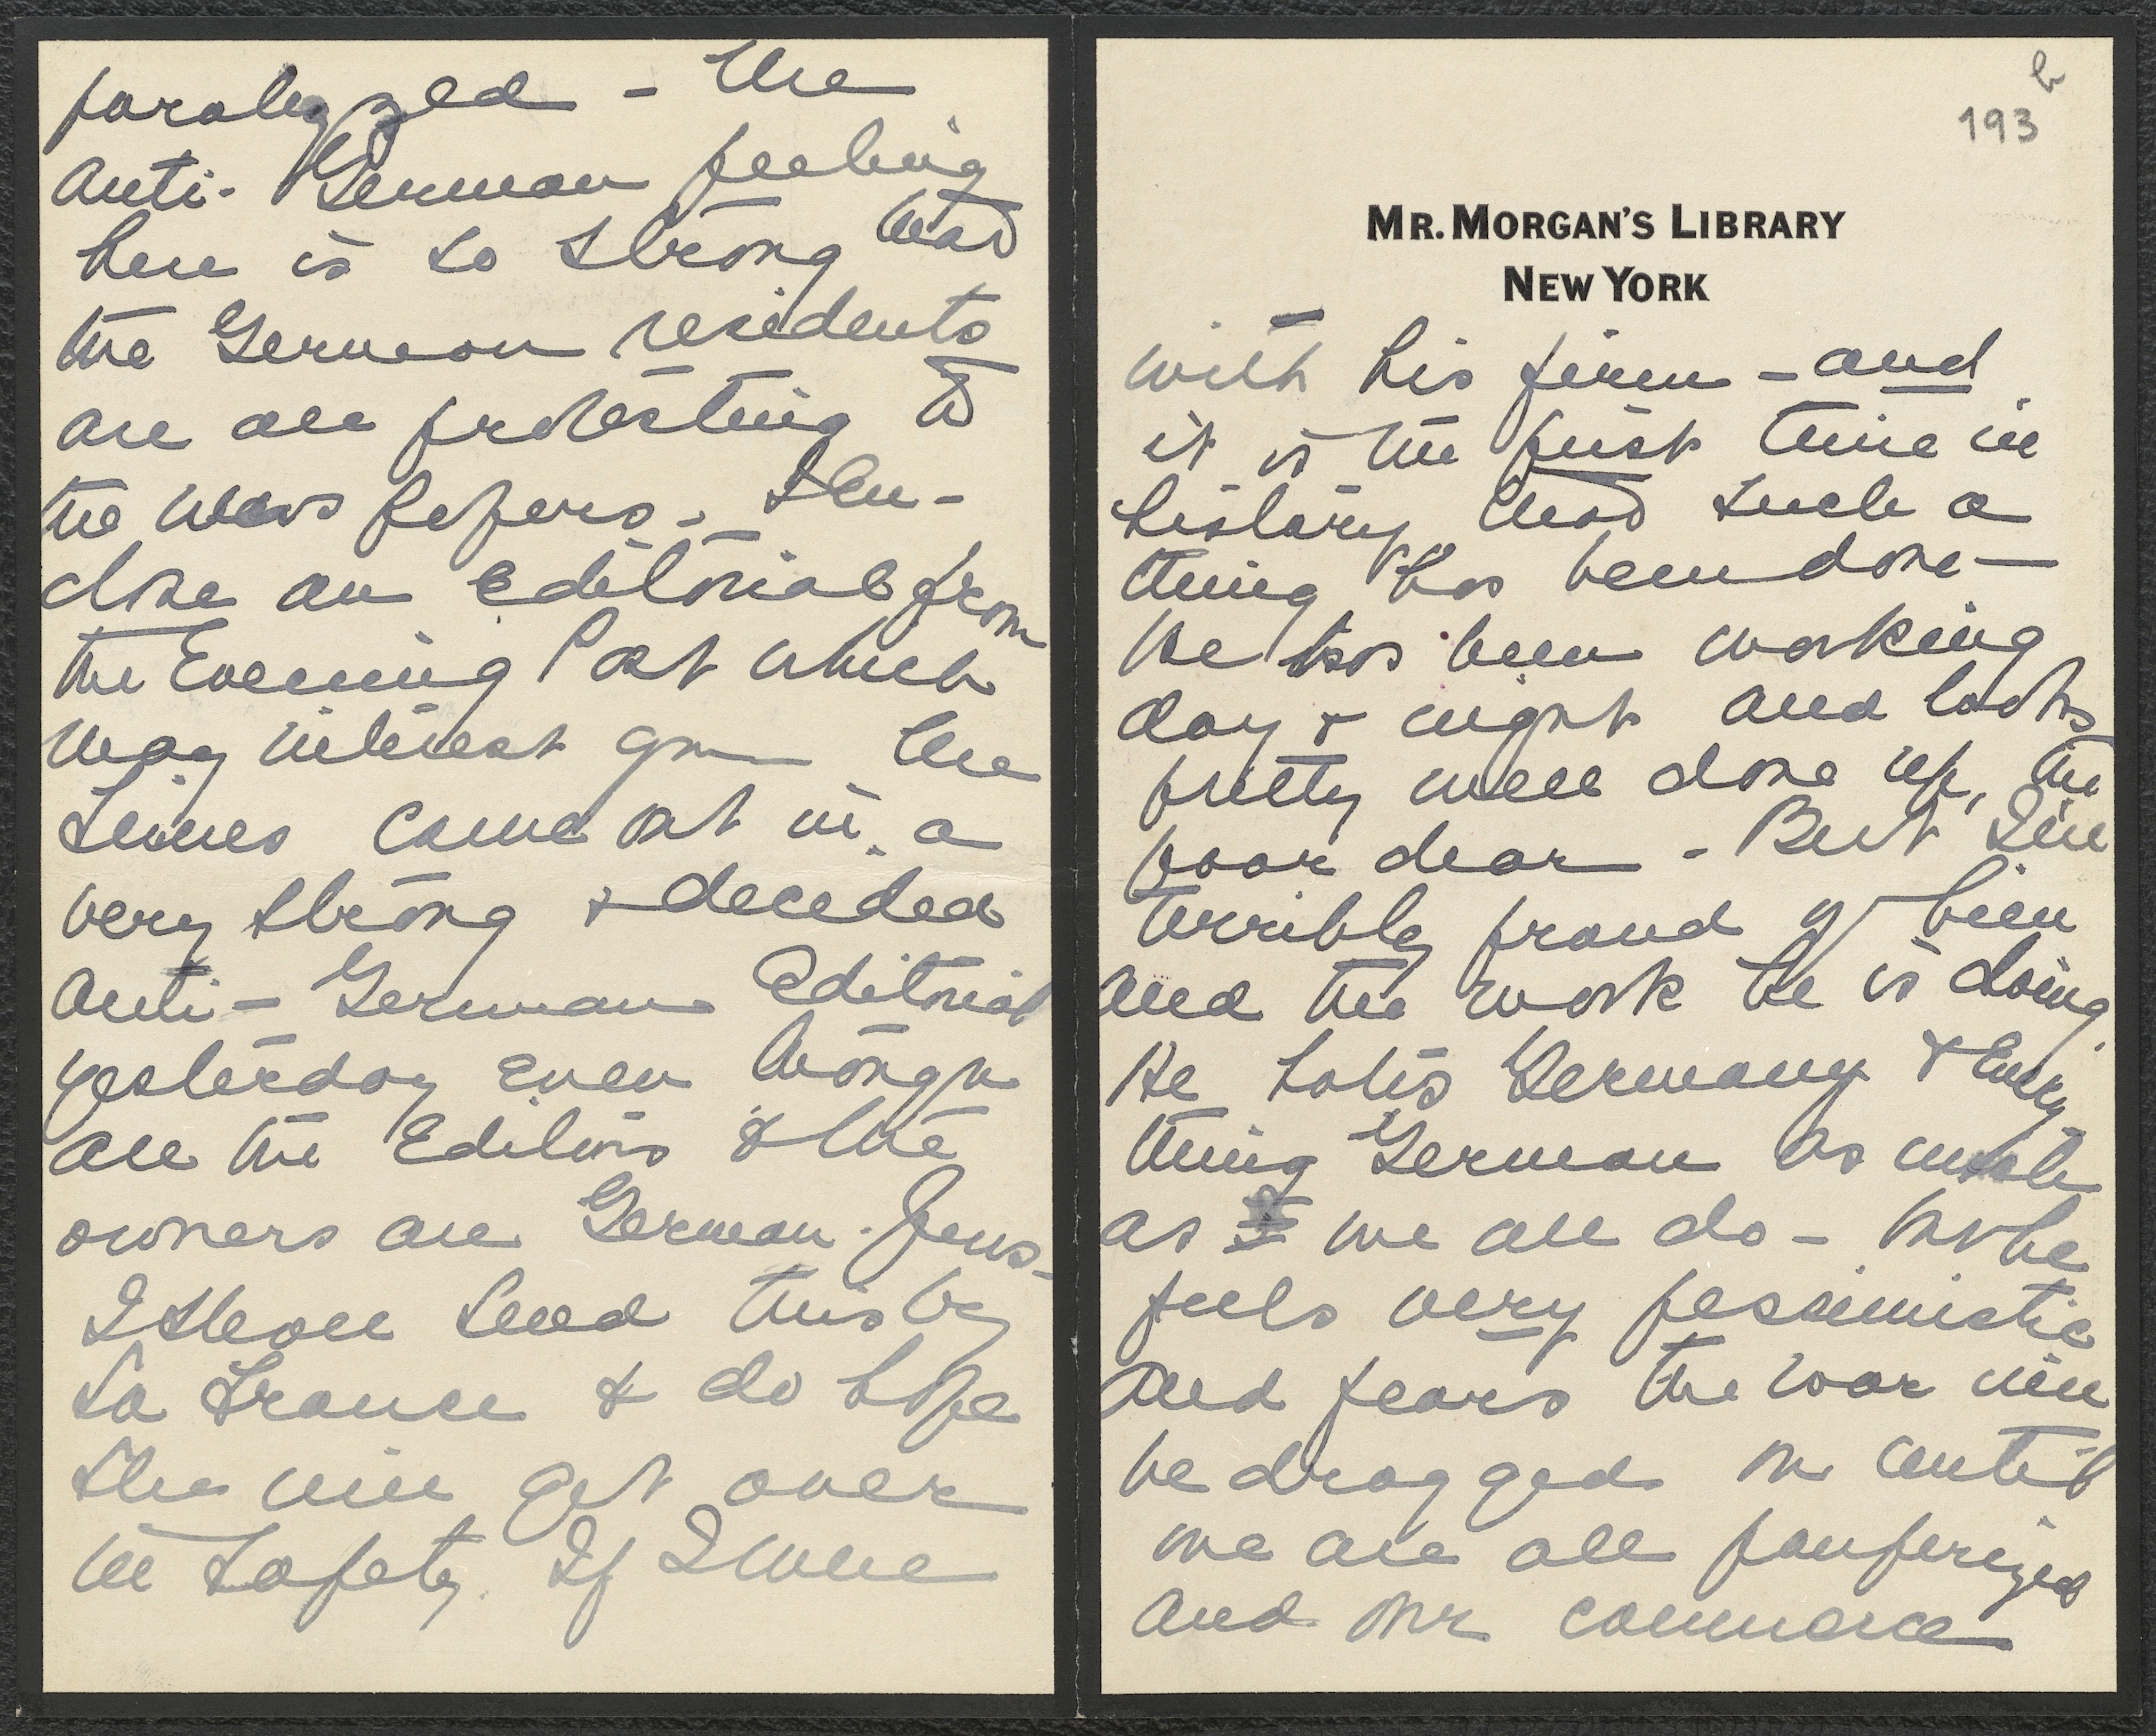with his firm – and it is the first time in history that such a thing has been done – He has been working day & night and looks pretty well done up, the poor dear – But I’m terribly proud of him and the work he is doing. He hates Germany & everything German as much as I we all do – but he feels very pessimistic and fears the war will be dragged on until we are all pauperized and our commerce
paralyzed – the anti-German feeling here is so strong that the German residents are all protesting to the newspapers – I enclose an editorial from the Evening Post which may interest you – The Times came out in a very strong & decided anti-German Editorial yesterday even though all the Editors & the owners are German-Jews –
I shall send this by La France & do hope She will get over in safety. If I were